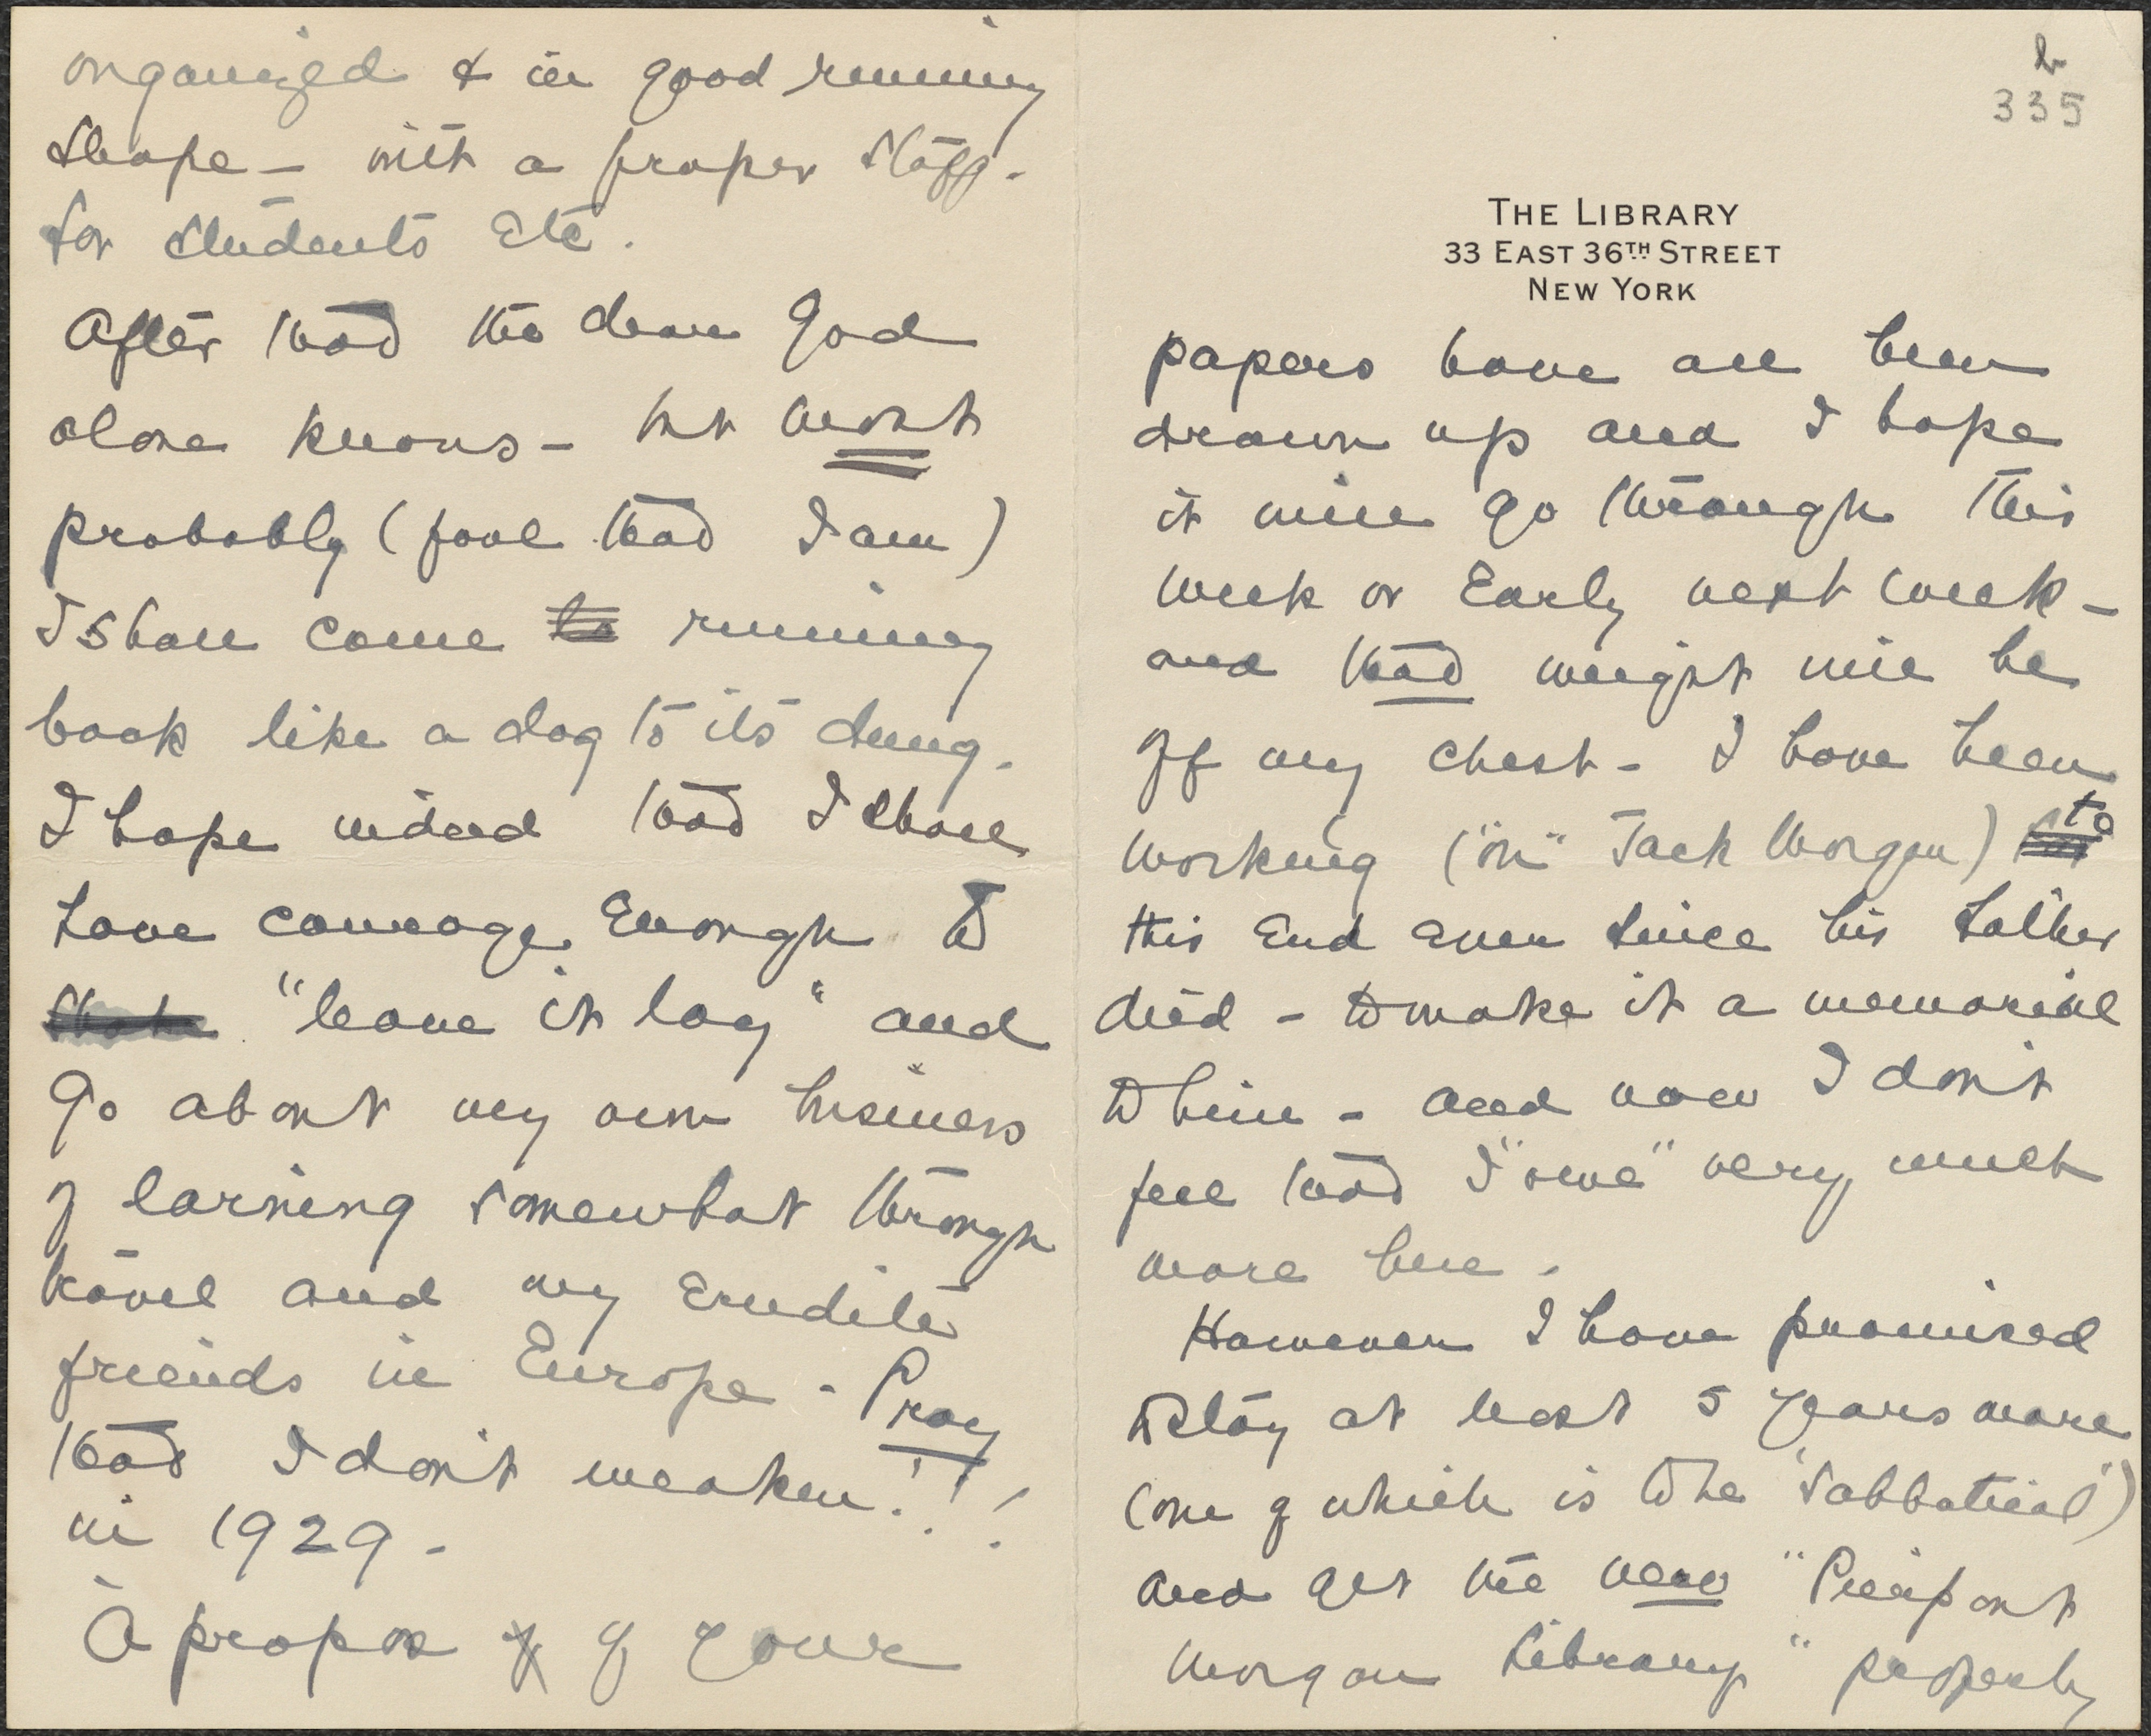papers have all been drawn up and I hope it will go through this week or early next week – and that weight will be off my chest – I have been working ("on" Jack Morgan) [illegible deletion] [^to^] this end ever since his father died — to make it a memorial to him – and now I don't feel that I "owe" very much more here.
However I have promised to stay at least 5 years more (one of which is to be 'sabbatical') and get the new "Pierpont Morgan Library" properly
organized & and in good running shape – with a proper staff for students etc.
After that the dear God alone knows – but [double underlined: most] probably (fool that I am) I shall come to running back like a dog to its dung. I hope indeed that I shall have courage enough to [illegible deletion] "leave it lay" and go about my own business of learning somewhat through travel and my erudite friends in Europe – Pray that I don't weaken!!! in 1929.
À propos of of your